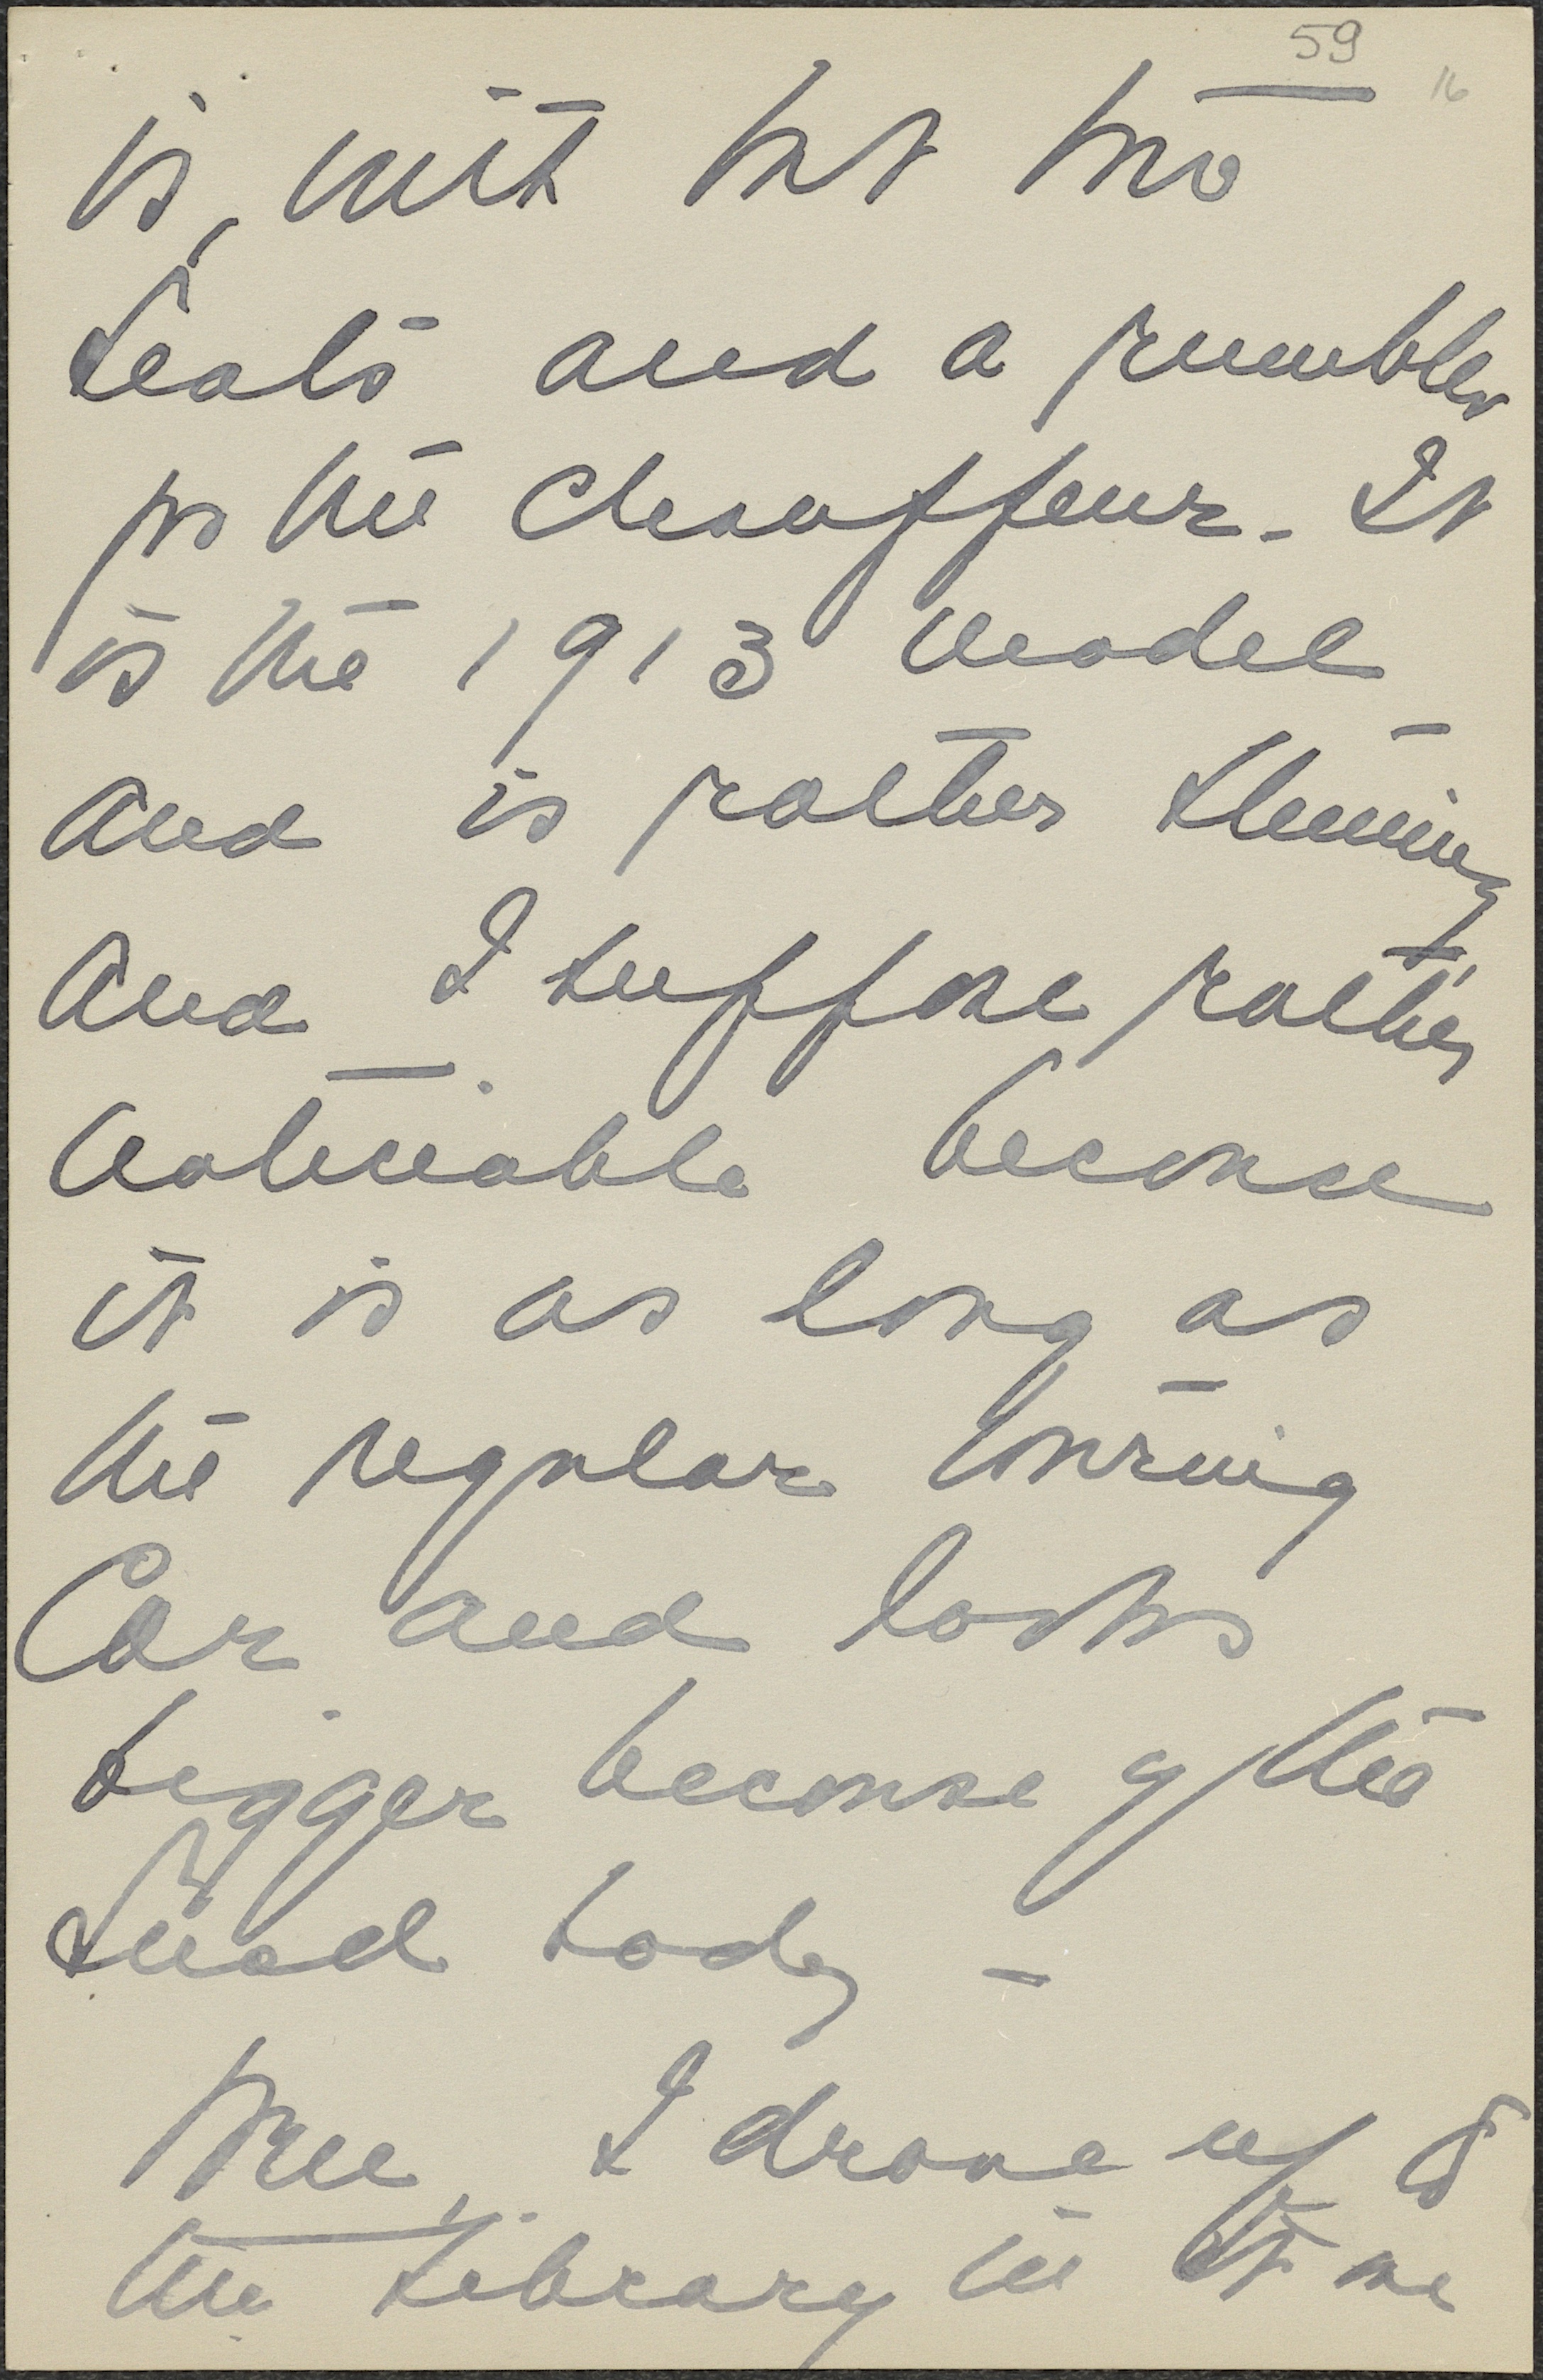is, with but two seats and a rumbler for the chauffeur – It is the 1913 model and is rather stunning and I suppose rather noticeable because it is as long as the regular touring car and looks bigger because of the small body –
Well, I drove up to the Library in it one